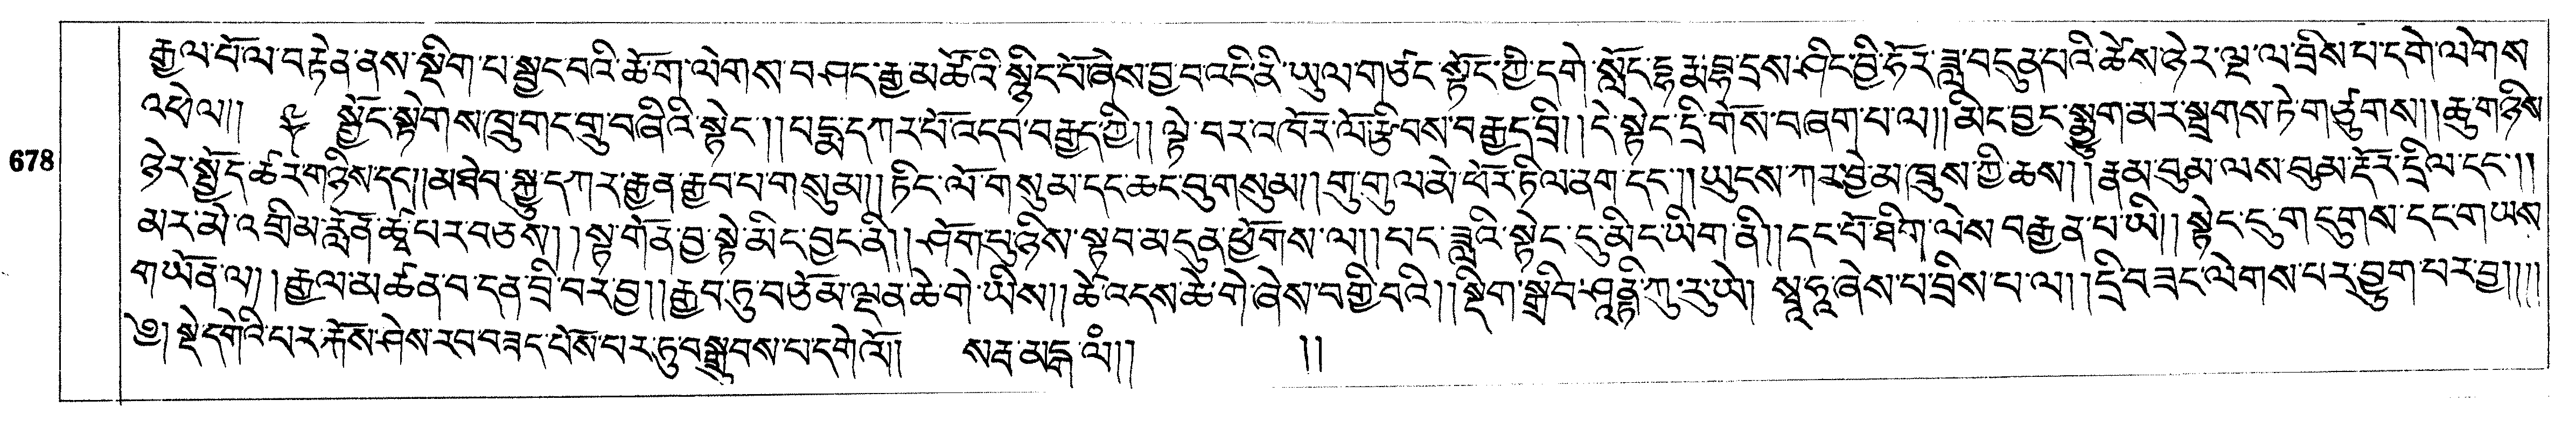རྒྱལ་པོ་ལ་བརྟེན་ནས་སྡིག་པ་སྦྱང་བའི་ཆོ་ག་ལེགས་བཤད་རྒྱ་མཚོའི་སྙིང་པོ་ཞེས་བྱ་བ་འདི་ནི་ཡུལ་གཙང་སྟོང་ཀྱི་དགེ་སློང་དྷ་རྨ་བྷ་དྲས་ཤིང་བྱི་ཧོར་ཟླ་བདུན་པའི་ཚེས་ཉེར་ལྔ་ལ་བྲིས་པ་དགེ་ལེགས་
འཕེལ།། ༈ སྦྱོང་སྟེགས་ཁྲུ་གང་གྲུ་བཞིའི་སྟེང་། །པདམ་དཀར་པོ་འདབ་བརྒྱད་ཀྱི། །ལྟེ་བར་འཁོར་ལོ་རྩིབས་བརྒྱད་བྲི། །དེ་སྟེང་དྲི་གོས་བཞག་པ་ལ། །མིང་བྱང་སྨྱུག་མར་སྦྲགས་ཏེ་གཙུགས། །ཆུ་གཉིས་
ཉེར་སྤྱོད་ཚར་གཉིས་དང་། །མཐེབ་སྐྱུ་དཀར་རྒྱན་རྒྱབ་པ་གསུམ། །ཏིང་ལོ་གསུམ་དང་ཆང་བུ་གསུམ། །གུ་གུལ་མེ་ཕོར་ཏིལ་ནག་དང་། །ཡུངས་ཀར་བྱེ་མ་ཁྲུས་ཀྱི་ཆས། །རྣམ་བུམ་ལས་བུམ་རྡོར་དྲིལ་དང།།
མར་མེ་འགྲིམ་རློན་ཚྭ་པར་བཅས། །སྟ་གོན་བྱ་སྟེ་མིང་བྱང་ནི། །ཤོག་པུ་ཉིས་སྟབ་མདུན་ཕྱོགས་ལ། །པད་ཟླའི་སྟེང་དུ་མིང་ཡིག་ནི། །དང་པོ་ཐིག་ལེས་བརྒྱན་པ་ཡི། །སྟེང་དུ་གདུགས་དང་གཡས་
གཡོན་ལ། །རྒྱལ་མཚན་བ་དན་བྲི་བར་བྱ། །རྒྱབ་ཏུ་བཅོམ་ལྡན་ཆེ་གེ་ཡིས། །ཚེ་འདས་ཆེ་གེ་ཞེས་བགྱི་བའི། །སྡིག་སྒྲིབ་ཤཱནྟི་ཀུ་རུ་ཡེ། སྭཱ་ཧཱ་ཞེས་པ་བྲིས་པ་ལ། །དྲི་བཟང་ལེགས་པར་བྱུག་པར་བྱ།།།།
༄༅། སྡེ་དགེའི་པར་རྐོས་ཤེས་རབ་བཟང་པོས་པར་ཏུ་བསྒྲུབས་པ་དགེའོ།། སརྦ་མངྒ་ལཾ།། །།